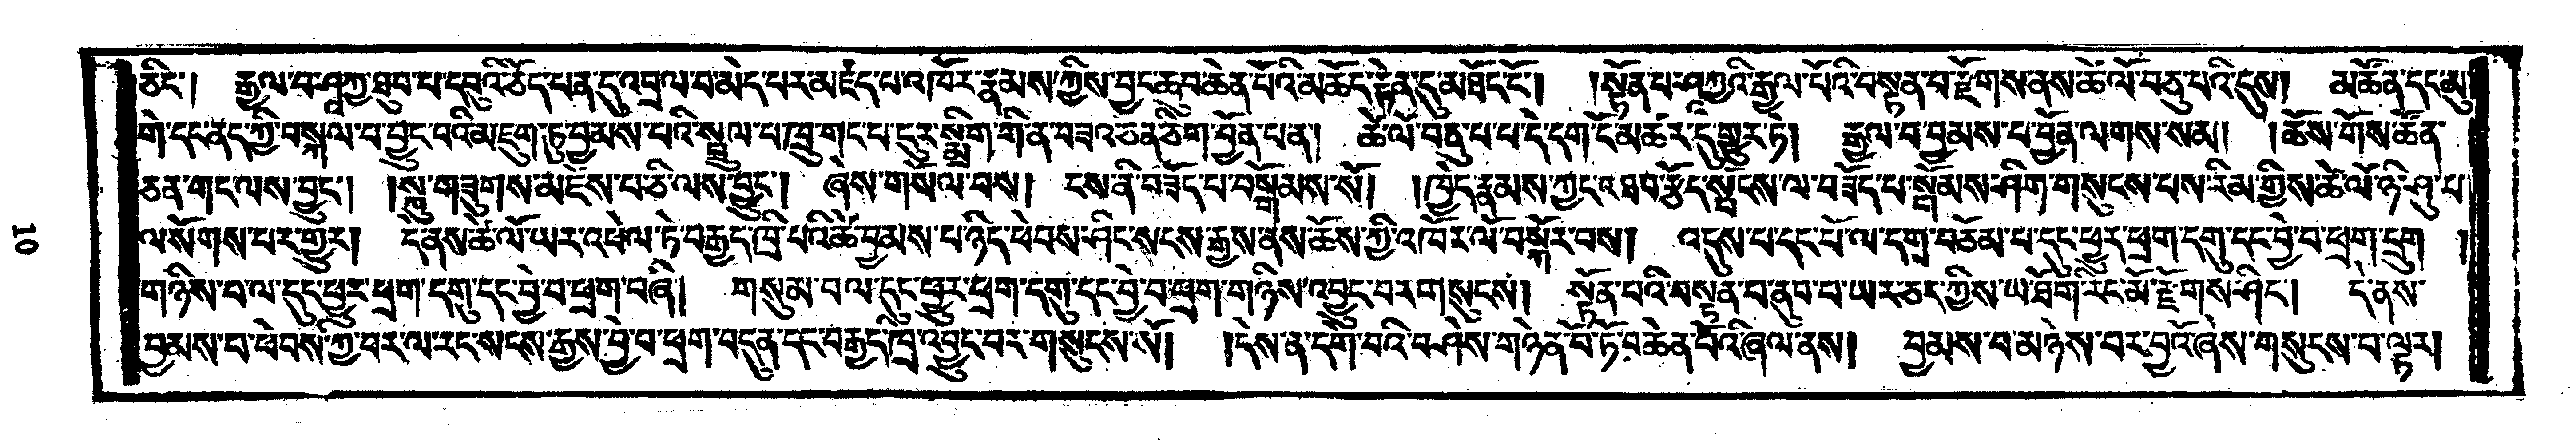ཅིང་། རྒྱལ་བ་ཤཱཀྱ་ཐུབ་པ་དབུའི་ཅོད་པན་དུ་འབྲལ་བ་མེད་པར་མཛད་པ་འཁོར་རྣམས་ཀྱིས་བྱང་ཆུབ་ཆེན་པོའི་མཆོད་རྟེན་དུ་མཐོང་ངོ། །སྟོན་པ་ཤཱཀྱའི་རྒྱལ་པོའི་བསྟན་བ་རྫོགས་ནས་ཆོ་ལྟོ་བཅུ་པའི་དུས། མཚོན་དང་མུ་
གེ་དང་ནད་ཀྱི་བསྐལ་པ་བྱུང་བའི་མཇུག་ཏུ་བྱམས་པའི་སྦྲུལ་པ་ཁྲུ་གང་པ་དུར་སྨྲིག་གི་ན་བཟའ་ཅན་ཅིག་བྱོན་པ་ན། ཚེ་ལོ་བཅུ་པ་པ་དེ་དག་ངོ་མཚར་དུ་གྱུར་ཏེ། རྒྱལ་བ་བྱམས་པ་བྱོན་ལགས་སམ། །ཆོས་གོས་ཚོན་
ཅན་གང་ལས་བྱུང་། །སྐུ་གཟུགས་མཛེས་པ་ཅི་ལས་བྱུང་། ཞེས་གསོལ་བས། ངས་ནི་བཟོད་པ་བསྒོམས་སོ། །ཁྱེད་རྣམས་ཀྱང་འཐབ་རྩོད་སྤོངས་ལ་བཟོད་པ་སྒོམས་ཤིག་གསུངས་པས་རིམ་གྱིས་ཚེ་ལོ་ཉི་ཤུ་པ་
ལ་སོགས་པར་གྱུར། དེ་ནས་ཚེ་ལོ་ཡར་འཕེལ་ཏེ་བརྒྱད་ཁྲི་པའི་ཚེ་བྱམས་པ་ཉིད་ཕེབས་ཤིང་སངས་རྒྱས་ནས་ཆོས་ཀྱི་འཁོར་ལོ་བསྐོར་བས། འདུས་པ་དང་པོ་ལ་དགྲ་བཅོམ་པ་དུང་ཕྱུར་ཕྲག་དགུ་དང་བྱེ་བ་ཕྲག་དྲུག །
གཉིས་བ་ལ་དུང་ཕྱུར་ཕྲག་དགུ་དང་བྱེ་བ་ཕྲག་བཞི། གསུམ་པ་ལ་དུང་ཕྱུར་ཕྲག་དགུ་དང་བྱེ་བ་ཕྲག་གཉིས་འབྱུང་བར་གསུངས། སྟོན་པའི་བསྟན་པ་ནུབ་པ་ཡར་ཅད་ཀྱིས་ཡ་ཐོག་རིང་མོ་རྫོགས་ཤིང་། དེ་ནས་
བྱམས་པ་ཕེབས་ཀྱི་བར་ལ་རང་སངས་རྒྱས་བྱེ་བ་ཕྲག་བདུན་དང་བརྒྱད་ཁྲི་འབྱུང་བར་གསུངས་སོ། །དེས་ན་དགེ་བའི་བཤེས་གཉེན་པོ་ཏོ་བ་ཆེན་པོའི་ཞལ་ནས། བྱམས་བ་མཉེས་པར་བྱའོ་ཞེས་གསུངས་པ་ལྟར་